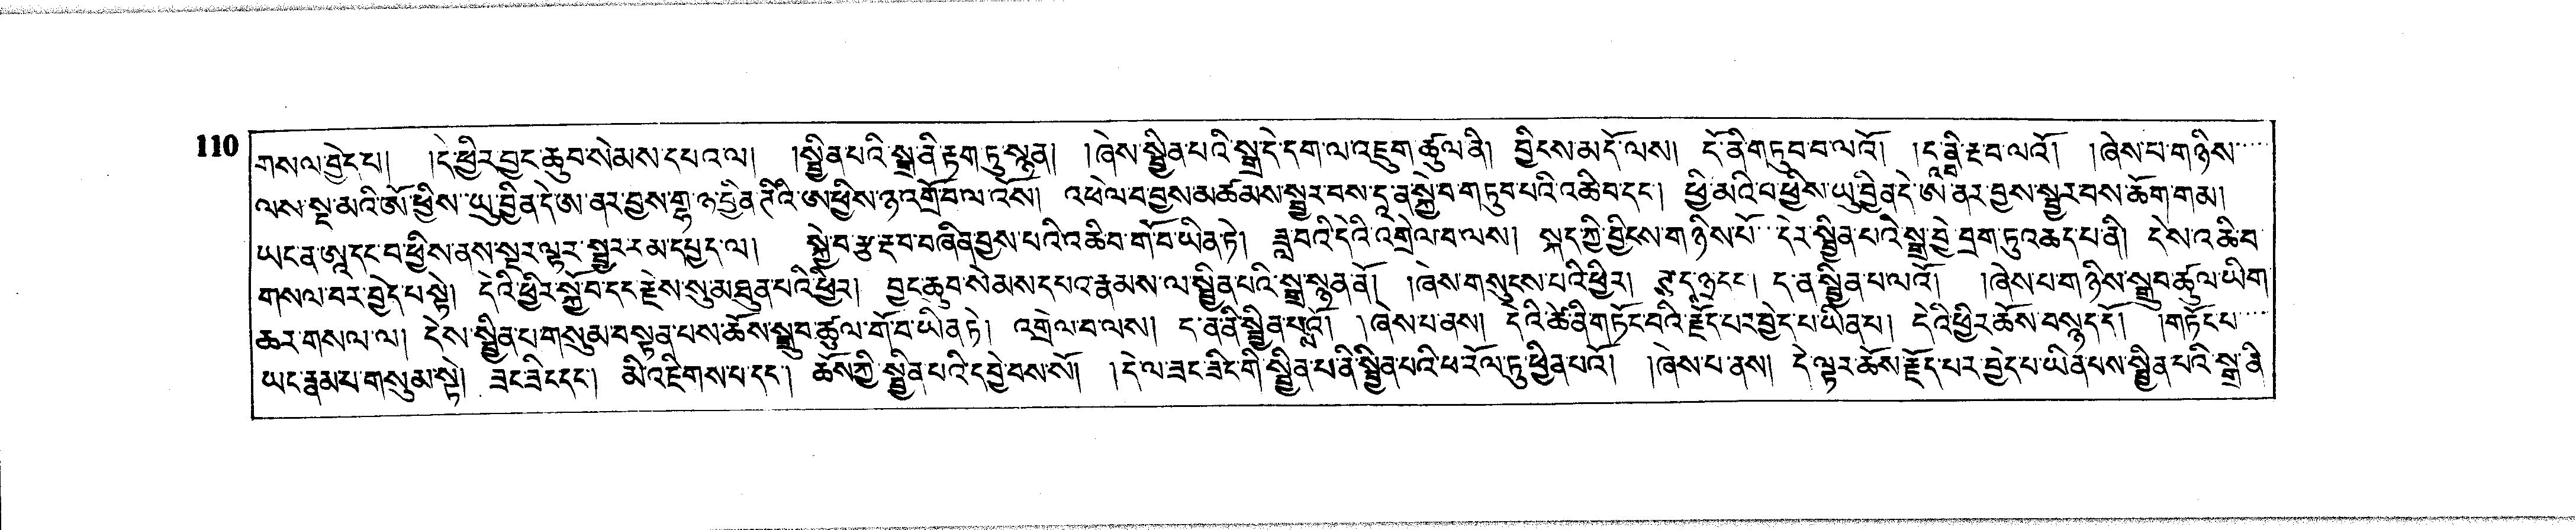གསལ་བྱེད་པ། །དེ་ཕྱིར་བྱང་ཆུབ་སེམས་དཔའ་ལ། །སྦྱིན་པའི་སྒྲ་ནི་རྟག་ཏུ་སྙན། །ཞེས་སྦྱིན་པའི་སྒྲ་དེ་དག་ལ་འཇུག་ཚུལ་ནི། བྱིངས་མདོ་ལས། དོ་ནི་གཏུབ་བ་ལའོ། །ངཱ་བ་ལའོ། །ཞེས་པ་གཉིས་
ལས་སྔ་མའི་ཨོ་ཕྱིས་ཡུ་བྱིན་དེ་ཨ་ནར་བྱས་གྷ་ཉ་བྱིན་ཊིའི་ཨ་ཕྱིས་ཉ་འགྲོ་བ་ལ་འོས། འཕེལ་བ་བྱས་མཚམས་སྦྱར་བས་དཱ་ན་སྐྱེ་བ་གཏུབ་པའི་འཆི་བ་དང་། ཕྱི་མའི་བ་ཕྱིས་ཡུ་བྱིན་དེ་ཨ་ནར་བྱས་སྦྱར་བས་ཆོག་གམ།
ཡང་ན་ཨཱ་དང་བ་ཕྱིས་ནས་སྔར་ལྟར་སྦྱར་རམ་དཔྱད་ལ། སྐྱེ་བ་རྩ་རྔ་བ་བཞིན་བྱས་པའི་འཆི་བ་གོ་བ་ཡིན་ཏེ། ཟླ་བའི་དེའི་འགྲེལ་བ་ལས། སྐད་ཀྱི་བྱིངས་གཉིས་པོ་དེར་སྦྱིན་པའི་སྒྲ་བྱེ་བྲག་ཏུ་འཆད་པ་ནི། ངེས་འཆི་བ་
གསལ་བར་བྱེད་པ་སྟེ། དེའི་ཕྱིར་སྐྱོ་བ་དང་རྗེས་སུ་མཐུན་པའི་ཕྱིར། བྱང་ཆུབ་སེམས་དཔའ་རྣམས་ལ་སྦྱིན་པའི་སྒྲ་སྙན་ནོ། &།ཞེས་གསུངས་པའི་ཕྱིར། ཊུ་དཱ་ཉྲ་དང་། ད་ན་སྦྱིན་པ་ལའོ། །ཞེས་པ་གཉིས་སྒྲུབ་ཚུལ་ཡིག་
ཆར་གསལ་ལ། དེས་སྦྱིན་པ་གསུམ་བསྟན་པས་ཆོས་སྒྲུབ་ཚུལ་གོ་བ་ཡིན་ཏེ། འགྲེལ་བ་ལས། ད་ན་ནི་སྦྱིན་པ་ལའོ། །ཞེས་པ་ནས། དེའི་ཚེ་ནི་གཏོང་བའི་རྗོད་པར་བྱེད་པ་ཡིན་པ། དེའི་ཕྱིར་ཆོས་བསྙད་དོ། །གཏོང་པ་
ཡང་རྣམ་པ་གསུམ་སྟེ། ཟང་ཟིང་དང་། མི་འཇིགས་པ་དང་། ཆོས་ཀྱི་སྦྱིན་པའི་དབྱེ་བས་སོ། །དེ་ལ་ཟང་ཟིང་གི་སྦྱིན་པ་ནི་སྦྱིན་པའི་ཕ་རོལ་ཏུ་ཕྱིན་པའོ། །ཞེས་པ་ནས། དེ་ལྟར་ཆོས་རྗོད་པར་བྱེད་པ་ཡིན་པས་སྦྱིན་པའི་སྒྲ་ནི་